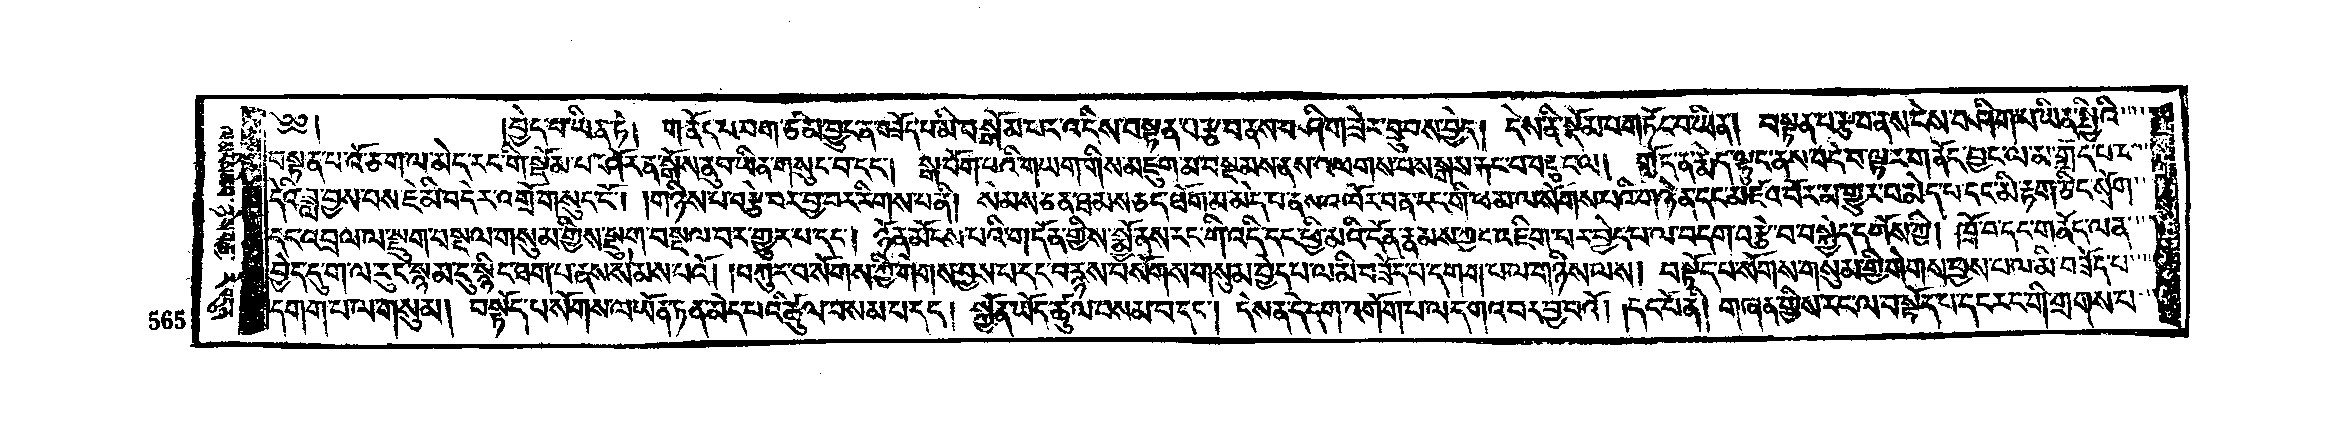༄༅། །བྱེད་པ་ཡིན་ཏེ། གནོད་པ་བག་ཙམ་བྱུང་ན་བཟོད་པ་མི་བསྒོམ་པར་འདིས་བསྟན་པ་རྩ་བ་ནས་བཤིག་ཟེར་བྲུབས་བྱེད། དེས་ནི་སྡོམ་པ་གཏོང་བ་ཡིན། བསྟན་པ་རྩ་བ་ནས་དེས་བཤིག་པ་ཡིན་སྤྱིའི་
བསྟན་པ་འོ་ཅག་ལ་མེད་རང་གི་སྡོམ་པ་ཤོར་ན་སྒོས་ནུབ་ཡིན་གསུང་བ་དང་། སྒ་བོག་པའི་གཡག་གིས་མཇུག་མ་བསྡམས་ནས་འཕགས་པས་སྒས་རྐང་པ་བརྡུང་ལ། གློད་ན་རྨེད་ལྷུང་ནས་བདེ་བ་ལྟར་གནོད་བྱེད་ལ་མ་གློད་པར་
དེའི་ཟླ་བྱས་པས་ཇེ་མི་བདེར་འགྲོ་གསུང་ངོ། །གཉིས་པ་བརྩེ་བར་བྱ་བར་རིགས་པ་ནི། སེམས་ཅན་ཐམས་ཅད་ཐོག་མ་མེད་པ་ནས་འཁོར་བ་ན་རང་གི་ཕ་མ་ལ་སོགས་པའི་གཉེན་དང་མཛའ་བོར་མ་གྱུར་པ་མེད་པ་དང་མི་རྟག་ཅིང་སྲོག་
དང་འབྲལ་ལ་སྡུག་བསྔལ་གསུམ་གྱིས་སྡུག་བསྔལ་པར་གྱུར་བ་དང་། ཉོན་མོངས་པའི་གདོན་གྱིས་སྨྱོ་ནས་རང་གི་འདི་དང་ཕྱི་མའི་དོན་རྣམས་ཀྱང་འཇིག་པར་བྱེད་པ་ལ་བདག་བརྩེ་བ་བསྐྱེད་དགོས་ཀྱི། ཁྲོ་བ་དང་གནོད་ལན་
བྱེད་དུ་ག་ལ་རུང་སྙམ་དུ་སྙིང་ཐག་པ་ནས་སེམས་པའོ། །བཀུར་བ་སོགས་ཀྱི་གེགས་བྱས་པ་དང་བརྙས་པ་སོགས་གསུམ་བྱེད་པ་ལ་མི་བཟོད་པ་དགག་པ་ལ་གཉིས་ལས། བསྟོད་པ་སོགས་གསུམ་གྱི་གེགས་བྱས་པ་ལ་མི་བཟོད་པ་
དགག་པ་ལ་གསུམ། བསྟོད་པ་སོགས་ལ་ཡོན་ཏན་མེད་པའི་ཚུལ་བསམ་པ་དང་། སྐྱོན་ཡོད་ཚུལ་བསམ་པ་དང་། དེས་ན་དེ་དག་འགོག་པ་ལ་དགའ་བར་བྱ་བའོ། །དང་པོ་ནི། གཞན་གྱིས་རང་ལ་བསྟོད་པ་དང་རང་གི་གྲགས་པ་